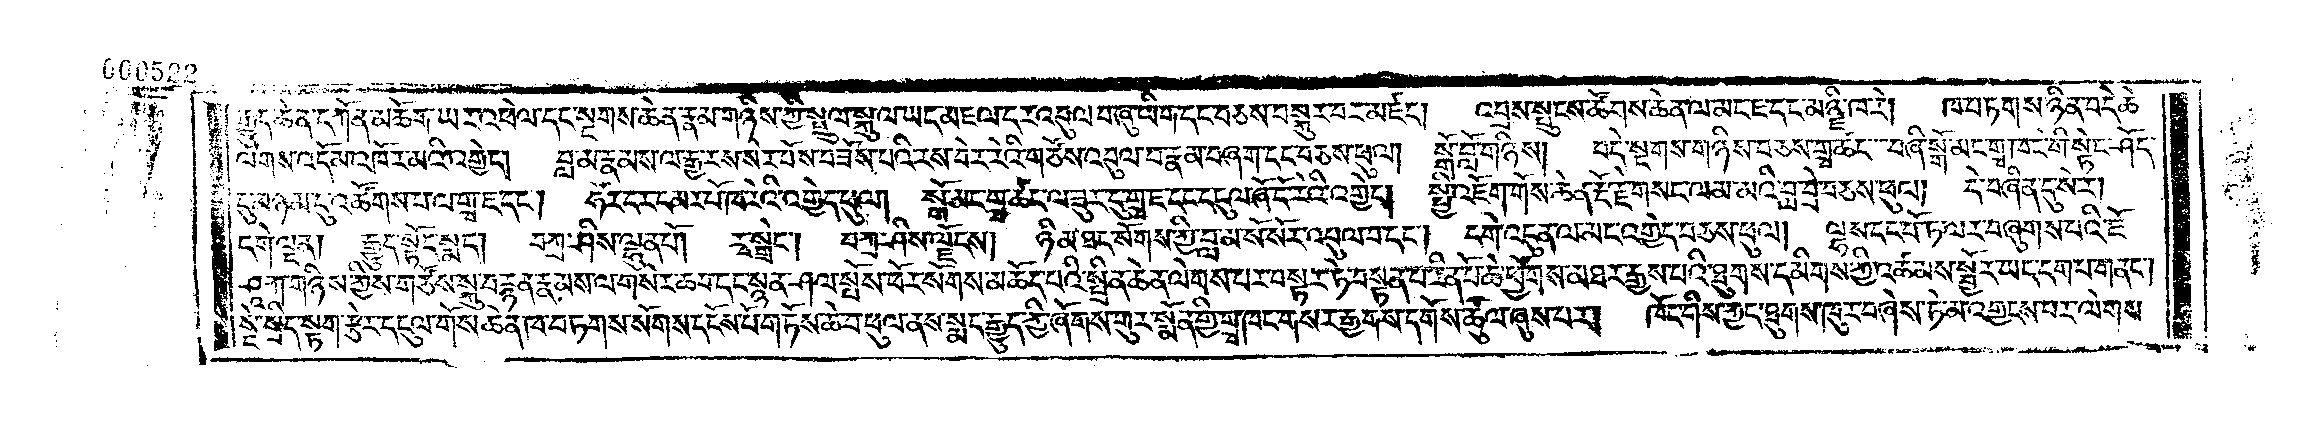རྒྱུད་ཆེན་དཀོན་མཆོག་ཡར་འཕེལ་དང་སྔགས་ཆེན་རྣམ་གཉིས་ཀྱི་སྤྲུལ་སྐུ་ལ་ཡང་མཇལ་དར་འབུལ་བ་ཞུ་ཡིག་དང་བཅས་བསྐུར་བར་མཛད། འབྲས་སྤུངས་ཚོགས་ཆེན་ལ་མང་ཇ་དང་མཉྫི་ཁ་རེ། ཁ་བཏགས་ཉིན་བདེ་ཆེ་
ལེགས་འདོམ་འཁོར་མའི་འགྱེད། བླ་མ་རྣམས་ལ་རྒྱ་རས་སེར་པོས་བཟོས་པའི་རས་བེར་རེའི་གཙོས་འབུལ་བ་རྣམ་བཞག་དང་བཅས་ཕུལ། སྒོ་བློ་གཉིས། བདེ་སྔགས་གཉིས་བཅས་གྲྭ་ཚང་བཞི་སྒོ་མང་གྲྭ་ཁང་གི་སྟེང་ཤོད་
དུ་མཉམ་དུ་འཚོགས་པ་ལ་གྲྭ་ཇ་དང་། ཧོར་དར་དམར་པོ་ཁ་རེའི་འགྱེད་ཕུལ། སྒོ་མང་གྲྭ་ཚང་ལ་ཟུར་དུ་གྲྭ་ཇ་དང་དངུལ་ཞོ་དོ་རེའི་འགྱེད། སྤྱི་འཇོག་གོས་ཆེན་རྡོ་རྗེ་གསང་ལམ་མའི་བླ་བྲེ་བཅས་ཕུལ། དེ་བཞིན་དུ་སེར།
དགེ་ལྡན། རྒྱུད་སྟོད་སྨད། བཀྲ་ཤིས་ལྷུན་པོ། རྭ་སྒྲེང་། བཀྲ་ཤིས་ལྗོངས། ཉི་མ་ཐང་སོགས་ཀྱི་བླ་མ་སོ་སོར་འབུལ་བ་དང་། དགེ་འདུན་ལ་མང་འགྱེད་བཅས་ཕུལ། ལྷས་དང་པོ་ཏ་ལར་བཞུགས་པའི་ཇོ་
ཤཱཀ་གཉིས་ཀྱིས་གཙོས་སྐུ་བརྙན་རྣམས་ལ་གསེར་ཆབ་དང་སྙན་ཤལ་སྤོས་ཕོར་སོགས་མཆོད་པའི་སྤྲིན་ཆེན་ལེགས་པར་བསྟར་ཏེ་བསྟན་པ་རིན་པོ་ཆེ་ཕྱོགས་མཐར་རྒྱས་པའི་ཐུགས་དམིགས་ཀྱི་འཚམས་སྦྱོར་ཡང་དག་པ་གནང་།
སྡེ་སྲིད་སྟག་རྩེར་དངུལ་གོས་ཆེན་ཁ་བཏགས་སོགས་དངོས་པོ་གཏོས་ཆེ་བ་ཕུལ་ནས་སྨད་རྒྱུད་ཀྱི་ཞོགས་གུར་སྨོན་གྱི་གྲྭ་ཁང་གསར་རྒྱགས་དགོས་ཚུལ་ཞུས་པར། ཁོང་གིས་ཀྱང་ཐུགས་ཁུར་བཞེས་ཏེ་མ་འགྱངས་པར་ལེགས་